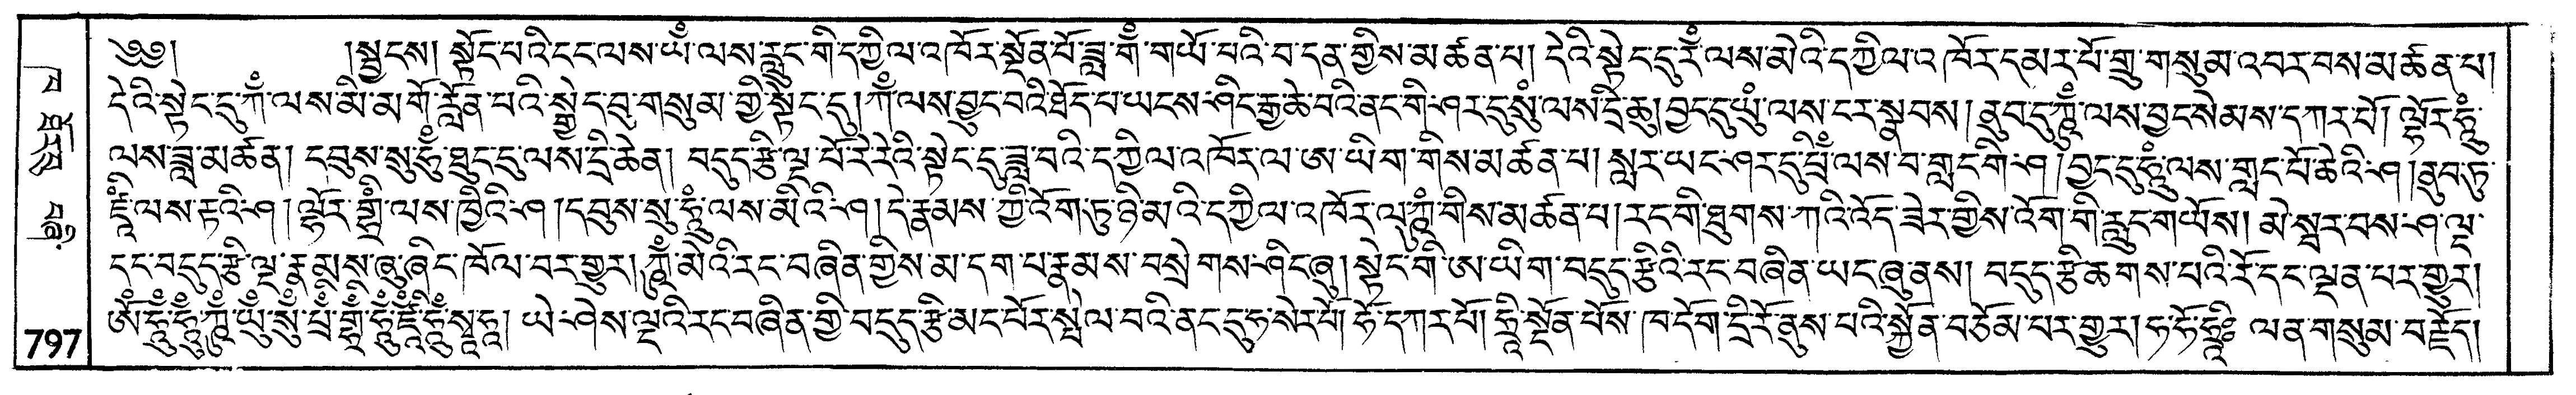༄༅། །སྦྱངས། སྟོང་པའི་ངང་ལས་ཡཾ་ལས་རླུང་གི་དཀྱིལ་འཁོར་སྔོན་པོ་ཟླ་གཾ་གཡོ་པའི་བ་དན་གྱིས་མཚན་པ། དེའི་སྟེང་དུ་རཾ་ལས་མེའི་དཀྱིལ་འཁོར་དམར་པོ་གྲུ་གསུམ་འབར་བས་མཚན་པ།
དེའི་སྟེང་དུ་ཀཾ་ལས་མི་མགོ་རློན་པའི་སྒྱེད་བུ་གསུམ་གྱི་སྟེང་དུ། ཀཾ་ལས་བྱུང་བའི་ཐོད་པ་ཡངས་ཤིང་རྒྱ་ཆེ་བའི་ནང་གི་ཤར་དུ་སུཾ་ལས་དྲི་ཆུ། བྱང་དུ་ཡུཾ་ལས་ངར་སྣབས། ནུབ་དུ་ཀྵུཾ་ལས་བྱང་སེམས་དཀར་པོ། ལྷོར་ཧཱུཾ་
ལས་ཟླ་མཚན། དབུས་སུ་ཧུཾ་ཐུང་དུ་ལས་དྲི་ཆེན། བདུད་རྩི་ལྔ་པོ་རེ་རེའི་སྟེང་དུ་ཟླ་བའི་དཀྱིལ་འཁོར་ལ་ཨ་ཡིག་གིས་མཚན་པ། སླར་ཡང་ཤར་དུ་པྲིཾ་ལས་བ་གླང་གི་ཤ། བྱང་དུ་ཧཱུཾ་ལས་གླང་པོ་ཆེའི་ཤ་།ནུབ་ཏུ་
ཛཱིཾ་ལས་རྟའི་ཤ་།ལྷོར་གྷྲིཾ་ལས་ཁྱིའི་ཤ་།དབུས་སུ་ཧཱུཾ་ལས་མིའི་ཤ་།དེ་རྣམས་ཀྱི་འོག་ཏུ་ཉི་མའི་དཀྱིལ་འཁོར་ལ་ཀྵུཾ་གིས་མཚན་པ། རང་གི་ཐུགས་ཀའི་འོད་ཟེར་གྱིས་འོག་གི་རླུང་གཡོས། མེ་སྦར་བས་ཤ་ལྔ་
དང་བདུད་རྩི་ལྔ་རྣམས་ཞུ་ཞིང་ཁོལ་བར་གྱུར། ཀྵུཾ་མེའི་རང་བཞིན་གྱིས་མ་དག་པ་རྣམས་བསྲེགས་ཤིང་ཞུ། སྟེང་གི་ཨ་ཡིག་བདུད་རྩིའི་རང་བཞིན་ཡང་ཞུ་ནས། བདུད་རྩི་ཆགས་པའི་རོ་དང་ལྡན་པར་གྱུར།
ཨོཾ་ཧཱུཾ་ཧཱུཾ་ཀྵུཾ་ཡུཾ་སུཾ་པྲཾ་གྷྲཾ་ཧཱུཾ་ཛཱིཾ་ཧཱུཾ་སྭཱ་ཧཱ། ཡེ་ཤེས་ལྔའི་རང་བཞིན་གྱི་བདུད་རྩི་མང་པོར་སྤེལ་བའི་ནང་དུ་ཧ་སེར་པོ། ཧོ་དཀར་པོ། ཧྲཱི་སྔོན་པོས་ཁ་དོག་དྲི་རོ་ནུས་པའི་སྐྱོན་བཅོམ་པར་གྱུར། ཧ་ཧོ་ཧྲཱིཿ ལན་གསུམ་བརྗོད།